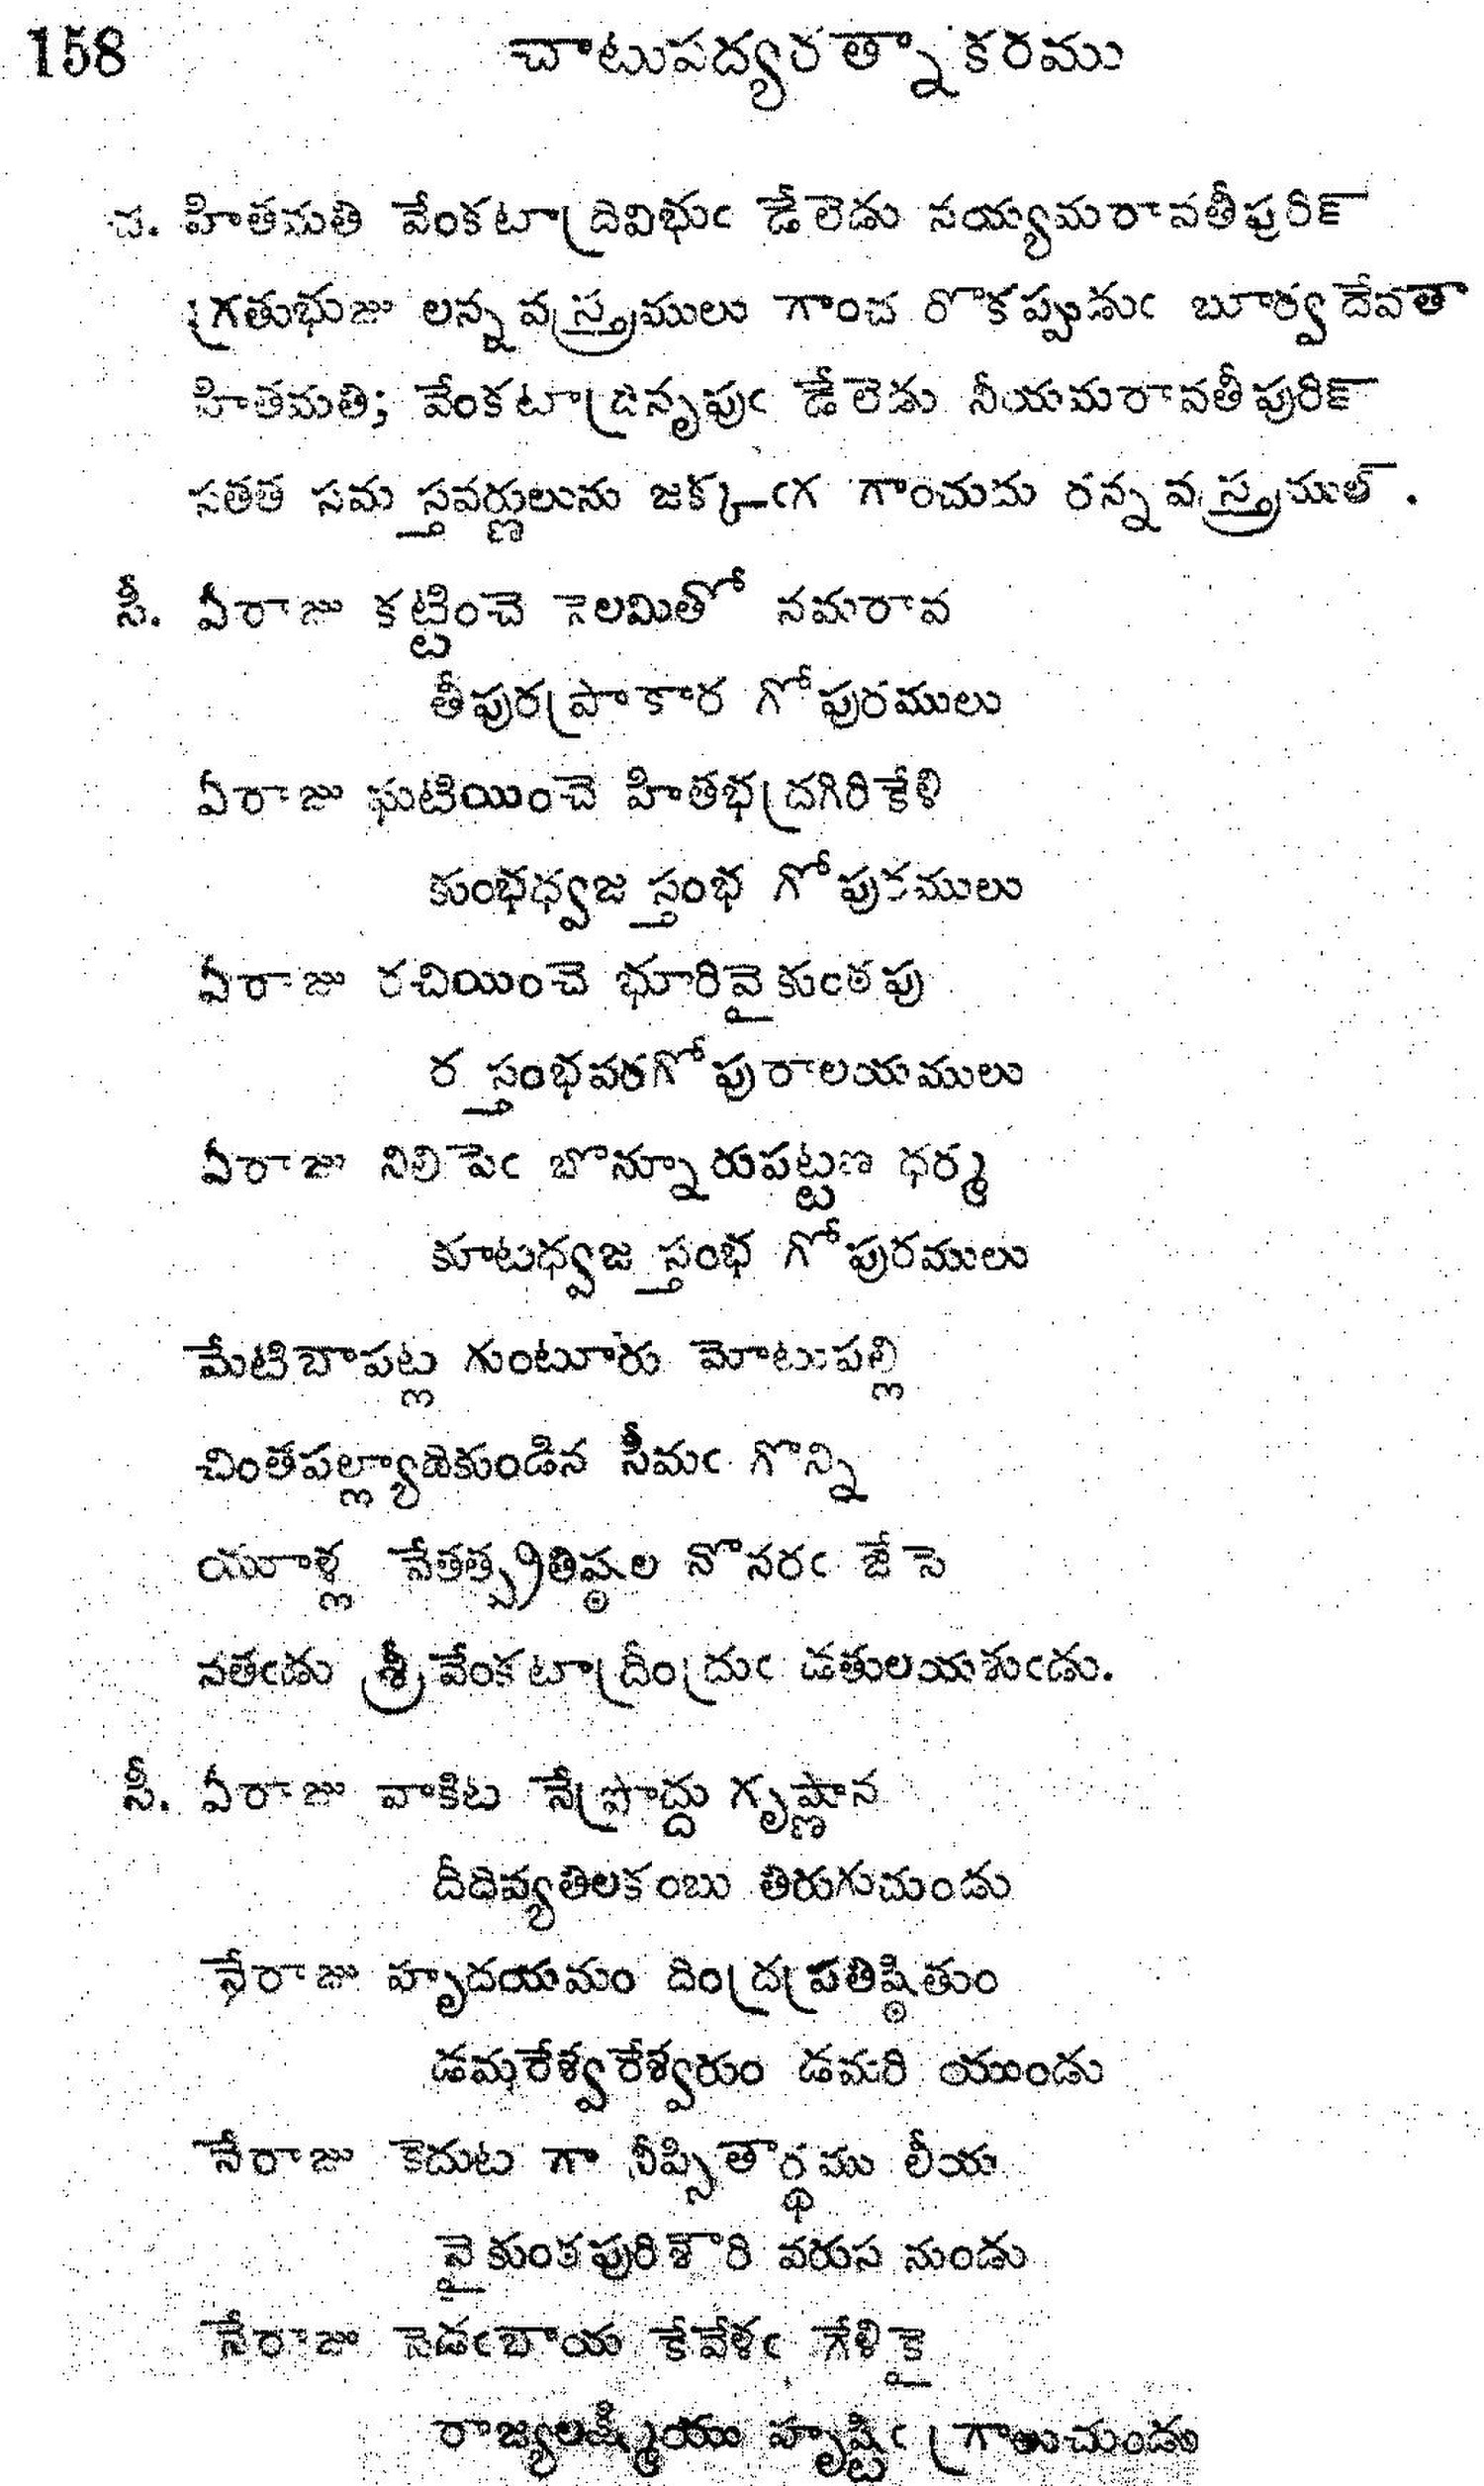చ. హితమతి వేంకటాద్రివిభుఁ డేలెడు నయ్యమరావతీపురిన్
 గ్రతుభుజు లన్నవస్త్రములు గాంచ రొకప్పుడుఁ బూర్వదేవతా
 హితమతి; వేంకటాద్రినృపుఁ డేలెడు నీయమరావతీపురిన్
 సతత సమస్తవర్ణులును జక్కఁగ గాంచుదు రన్నవస్త్రముల్.

సీ. ఏరాజు కట్టించె నెలమితో నమరావ
 తీపురప్రాకారగోపురములు
 ఏరాజు ఘటియించె హితభద్రగిరికేళి
 కుంభధ్వజస్తంభగోపురములు
 ఏరాజు రచియించె భూరివైకుంఠపు
 రస్తంభవరగోపురాలయములు
 ఏరాజు నిలిపెఁ బొన్నూరుపట్టణ ధర్మ
 కూటధ్వజస్తంభగోపురములు
 మేటిబాపట్ల గుంటూరు మోటుపల్లి
 చింతపల్ల్యాదికుండిన సీమఁ గొన్ని
 యూళ్ళ నేతత్ప్రతిష్ఠల నొనరఁ జేసె
 నతఁడు శ్రీవేంకటాద్రీంద్రుఁ డతులయశుఁడు.

సీ. ఏరాజు వాకిట నేప్రొద్దు గృష్ణాన
 దీదివ్యతిలకంబు తిరుగుచుండు
 నేరాజు హృదయమం దింద్రప్రతిష్ఠితుం
 డమరేశ్వరేశ్వరుం డమరియుండు
 నేరాజు కెదుట గా నీప్సితార్థము లీయ
 వైకుంఠపురిశౌరి వరుసనుండు
 నేరాజు నెడఁబాయ కేవేళఁ గేళికై
 రాజ్యలక్ష్మియు హృష్టిఁ గ్రాలుచుండు